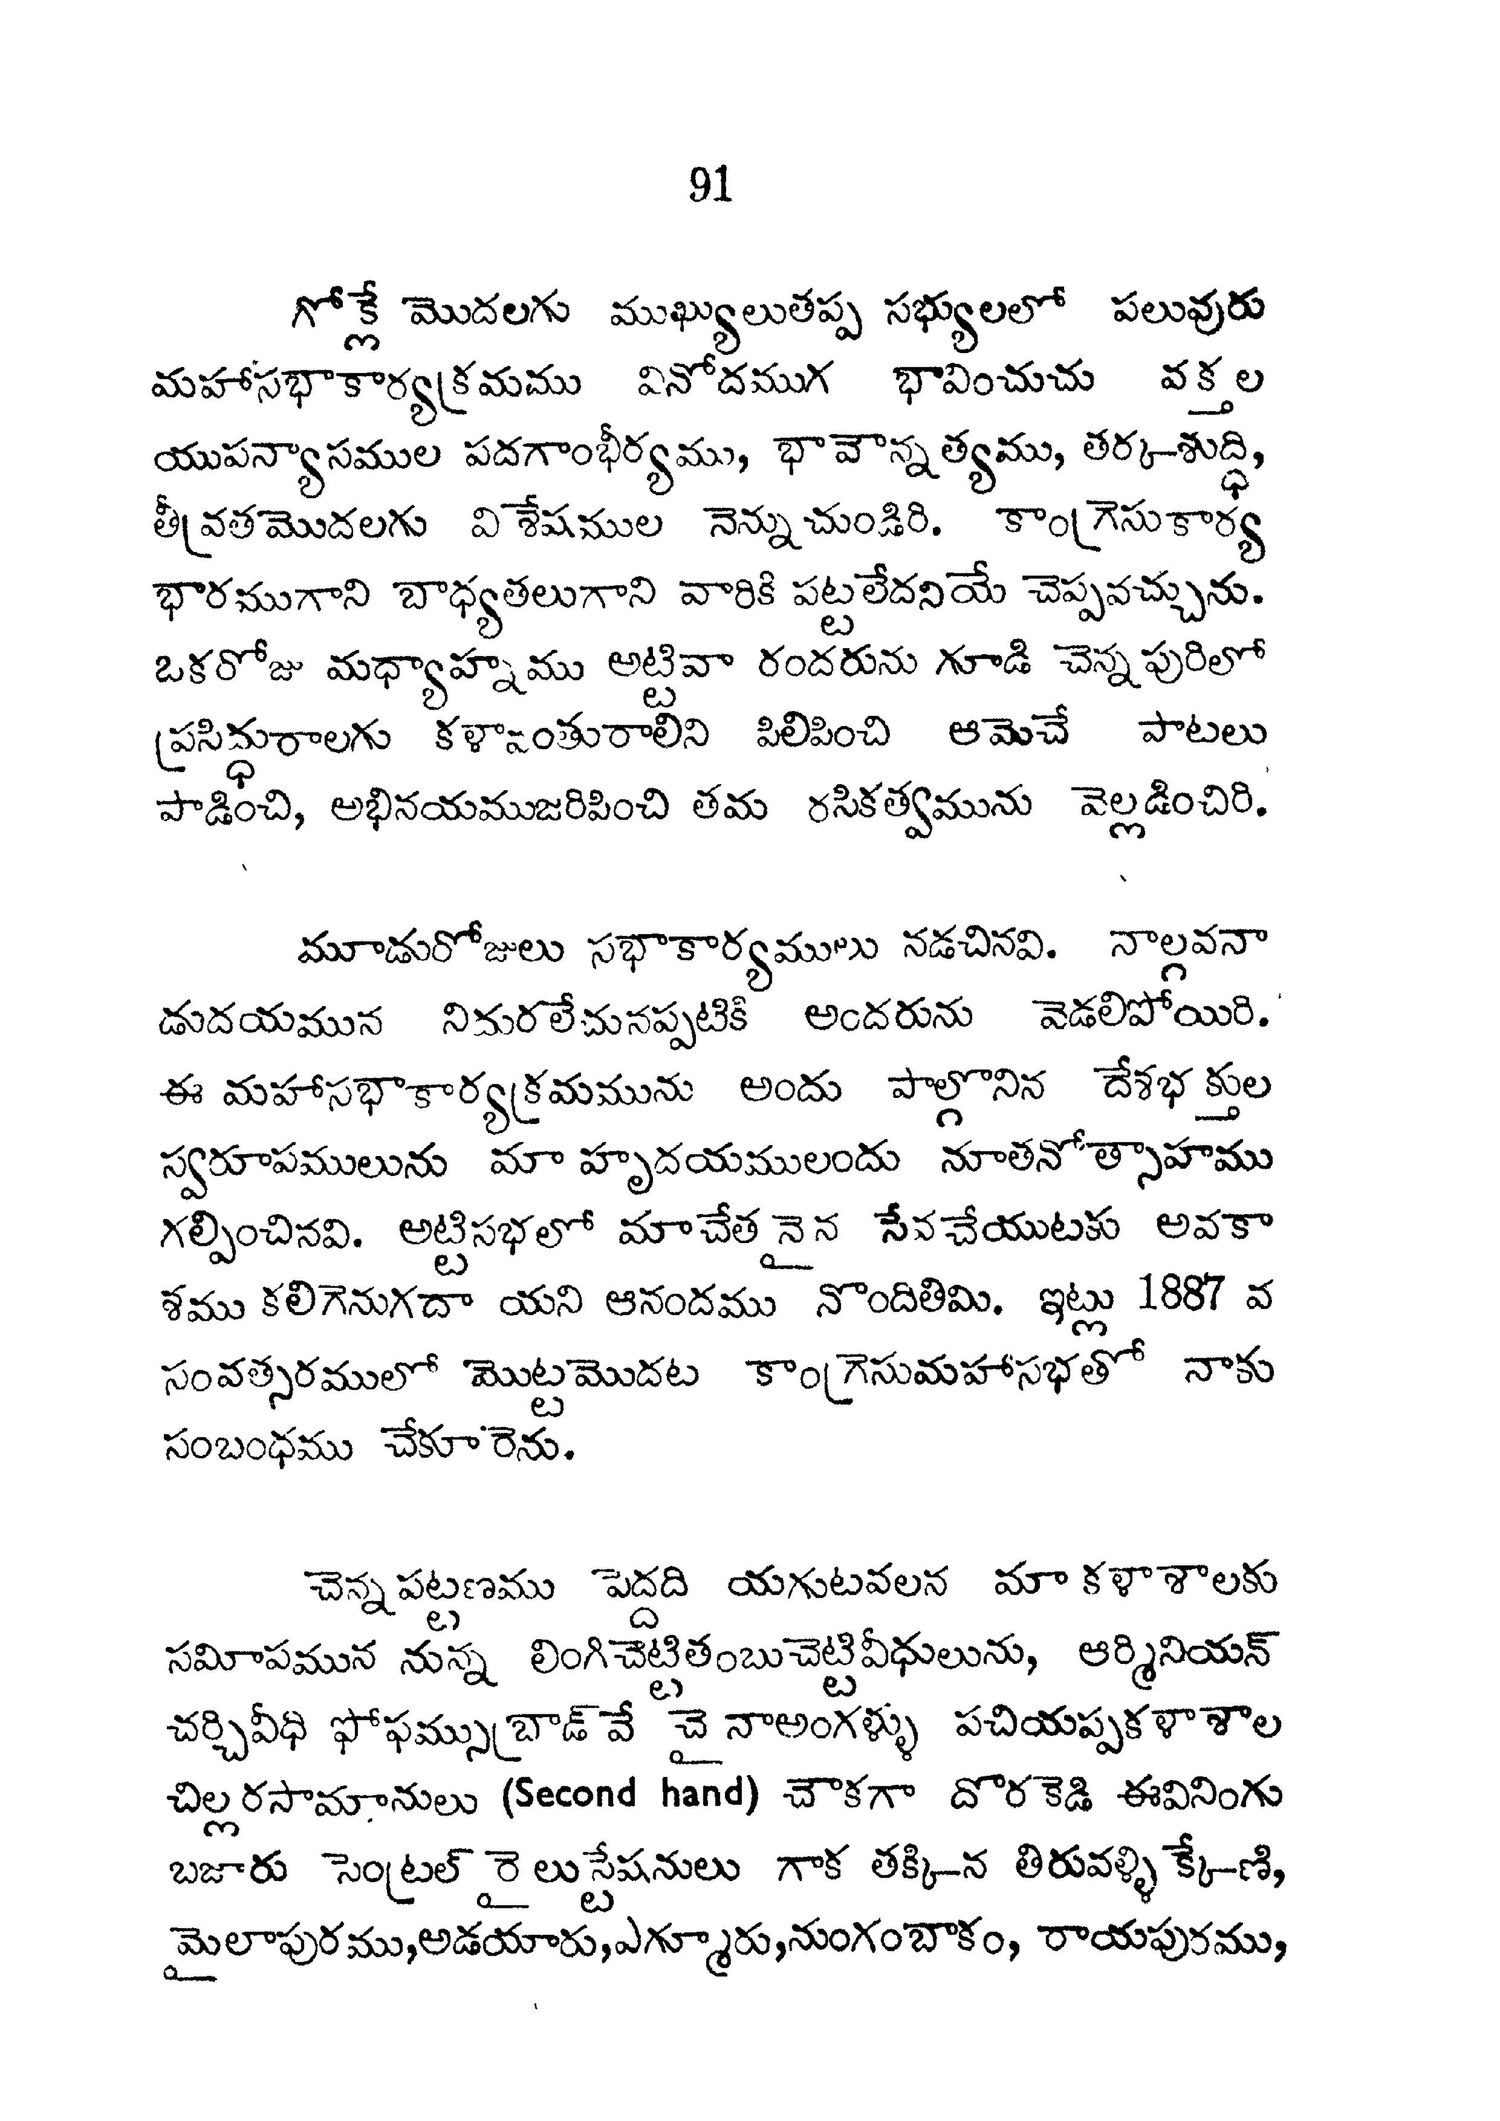గోక్లే మొదలగు ముఖ్యులుతప్ప సభ్యులలో పలువురు మహాసభాకార్యక్రమము వినోదముగ భావించుచు వక్తల యుపన్యాసముల పదగాంభీర్యము, భావౌన్నత్యము, తర్కశుద్ధి, తీవ్రతమొదలగు విశేషముల నెన్నుచుండిరి. కాంగ్రెసుకార్యభారముగాని బాధ్యతలుగాని వారికి పట్టలేదనియే చెప్పవచ్చును. ఒకరోజు మధ్యాహ్నము అట్టివా రందరును గూడి చెన్నపురిలో ప్రసిద్ధురాలగు కళావంతురాలిని పిలిపించి ఆమెచే పాటలు పాడించి, అభినయముజరిపించి తమ రసికత్వమును వెల్లడించిరి.

మూడురోజులు సభాకార్యములు నడచినవి. నాల్గవనాడుదయమున నిదురలేదునప్పటికి అందరును వెడలిపోయిరి. ఈ మహాసభాకార్యక్రమమును అందు పాల్గొనిన దేశభక్తుల స్వరూపములును మా హృదయములందు నూతనోత్సాహము గల్పించినవి. అట్టిసభలో మాచేతనైన సేవచేయుటకు అవకాశము కలిగెనుగదా యని ఆనందము నొందితిమి. ఇట్లు 1887 వ సంవత్సరములో మొట్టమొదట కాంగ్రెసుమహాసభతో నాకు సంబంధము చేకూరెను. 

చెన్నపట్టణము పెద్దది యగుటవలన మా కళాశాలకు సమీపమున నున్న లింగిచెట్టి తంబుచెట్టి వీధులను, ఆర్మీనియన్ చర్చివీధి ఫోఫమ్సుబ్రాడ్‌వే చైనా అంగళ్ళు పచియప్పకళాశాల చిల్లరసానులు (Second hand) చౌకగా దొరకెడి ఈవినింగు బజారు సెంట్రల్ రైలుస్టేషనులు గాక తక్కిన తిరువళ్ళిక్కేణి, మైలాపురము, అడయారు, ఎగ్మూరు, నుంగంబాకం, రాయపురము,